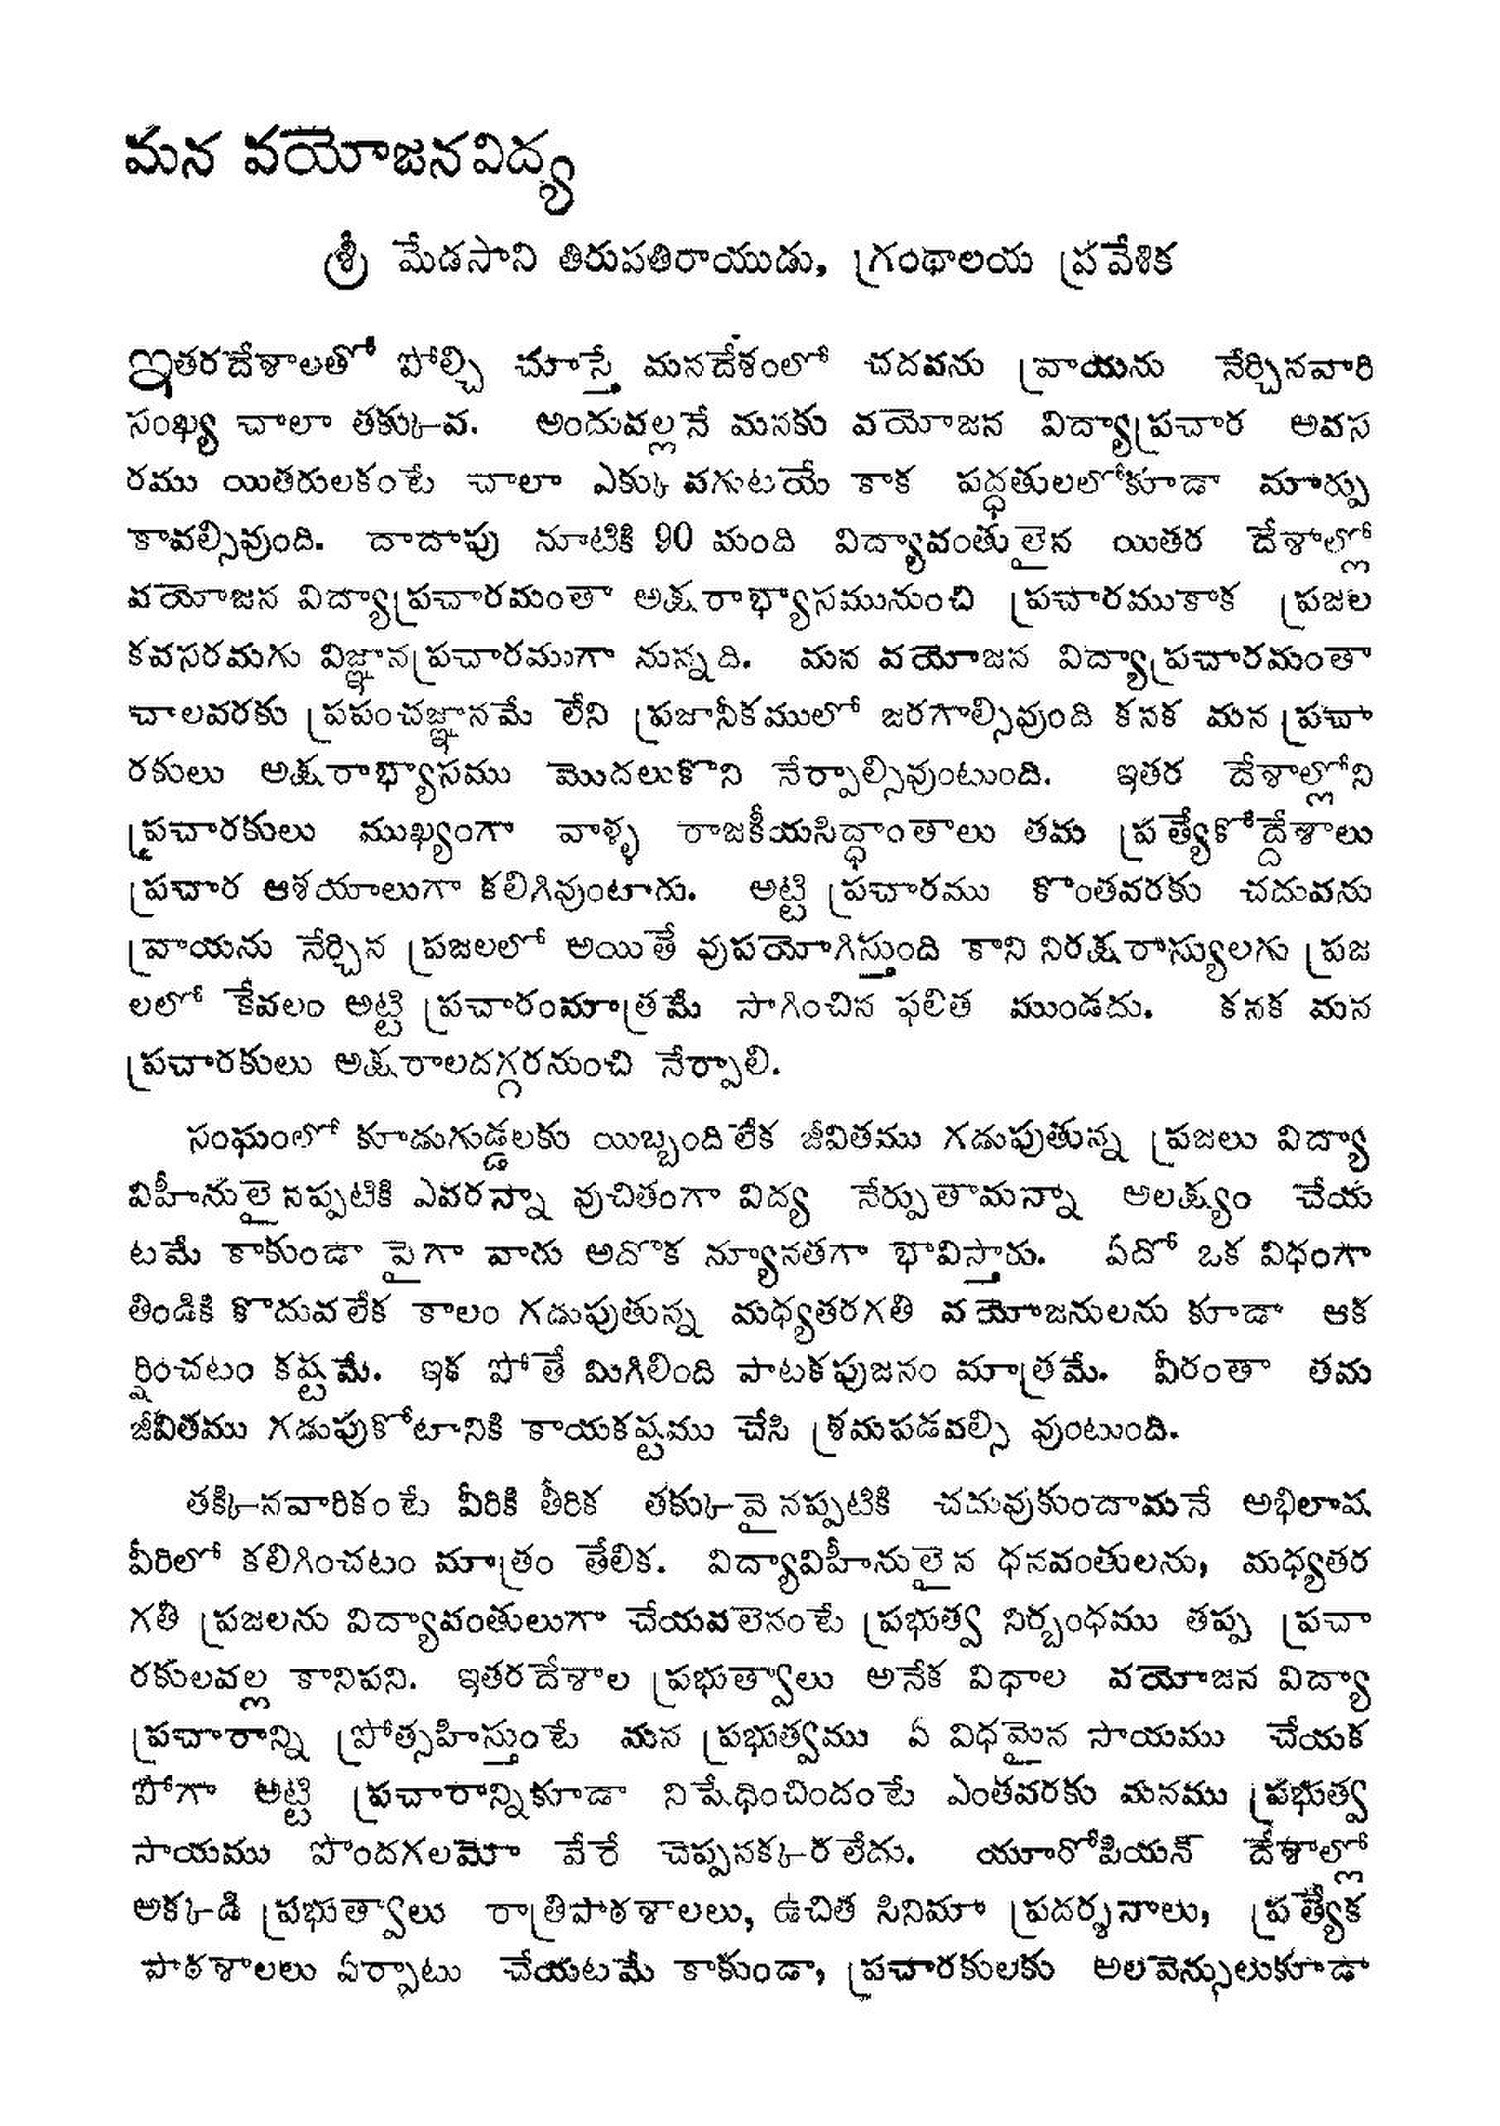మన వయోజన విద్య

ఇతర దేశాలతో పోల్చి చూస్తే మనదేశంలో చదవను వ్రాయను నేర్చినవారి సంఖ్య చాలా తక్కువ. అందువల్లనే మనకు వయోజన విద్యాప్రచార అవసరము యితరులకంటే చాలా ఎక్కు వగుటయే కాక పద్ధతులలోకూడా మార్పు కావల్సివుంది. దాదాపు నూటికి 
90 మంది విద్యావంతులైన యితర దేశాల్లో వయోజన విద్యాప్రచారమంతా అక్షరాభ్యాసమునుంచి ప్రచారముకాక ప్రజల
కవసరమగు విజ్ఞానప్రచారముగా నున్నది. మన వయోజన విద్యాప్రచారమంతా చాలవరకు ప్రపంచజ్ఞానమే లేని ప్రజానీకములో జరగాల్సివుంది కనక మన ప్రచారకులు అక్షరాభ్యాసము మొదలుకొని నేర్పాల్సివుంటుంది. ఇతర దేశాల్లోని ప్రచారకులు ముఖ్యంగా 
వాళ్ళ రాజకీయసిద్ధాంతాలు తమ ప్రత్యేకోద్దేశాలు ప్రచార ఆశయాలుగా కలిగివుంటారు. అట్టి ప్రచారము కొంతవరకు చదువను
వ్రాయను నేర్చిన ప్రజలలో అయితే వుపయోగిస్తుంది కాని నిరక్షరాస్యులగు ప్రజలలో కేవలం అట్టి ప్రచారం మాత్రమే సాగించిన 
ఫలిత ముండదు. కనక మన ప్రచారకులు అక్షరాలదగ్గరనుంచి నేర్పాలి.

సంఘంలో కూడుగుడ్డలకు యిబ్బంది లేక జీవితము గడుపుతున్న ప్రజలు విద్యావిహీనులైనప్పటికి ఎవరన్నా వుచితంగా విద్య నేర్పుతామన్నా అలక్ష్యం చేయటమే కాకుండా పైగా వారు అదొక న్యూనతగా భావిస్తారు. ఏదో ఒక విధంగా తిండికి కొదువలేక 
కాలం గడుపుతున్న మధ్యతరగతి వయోజనులను కూడా ఆకర్షించటం కష్టమే. ఇక పోతే మిగిలింది పాటకపుజనం మాత్రమే.
వీరంతా తమ జీవితము గడుపుకోటానికి కాయకష్టము చేసి శ్రమపడవల్సి వుంటుంది.

తక్కినవారికంటే వీరికి తీరిక తక్కువైనప్పటికీ చదువుకుందామనే అభిలాష వీరిలో కలిగించటం మాత్రం తేలిక. విద్యావిహీనులైన ధనవంతులను, మధ్యతరగతి ప్రజలను విద్యావంతులుగా చేయవలెనంటే ప్రభుత్వ నిర్బంధము తప్ప ప్రచారకులవల్ల కానిపని.
ఇతర దేశాల ప్రభుత్వాలు అనేక విధాల వయోజన విద్యాప్రచారాన్ని ప్రోత్సహిస్తుంటే మన ప్రభుత్వము ఏ విధమైన సాయము 
చేయకపోగా అట్టి ప్రచారాన్ని కూడా నిషేధించిందంటే ఎంతవరకు మనము ప్రభుత్వసాయము పొందగలమో వేరే చెప్పనక్కరలేదు. యూరోపియన్ దేశాలో అక్కడి ప్రభుత్వాలు రాత్రిపాఠశాలలు, ఉచిత సినిమా ప్రదర్శనాలు, ప్రత్యేక పాఠశాలలు ఏర్పాటు చేయటమే కాకుండా, ప్రచారకులకు అలవెన్సులు కూడా